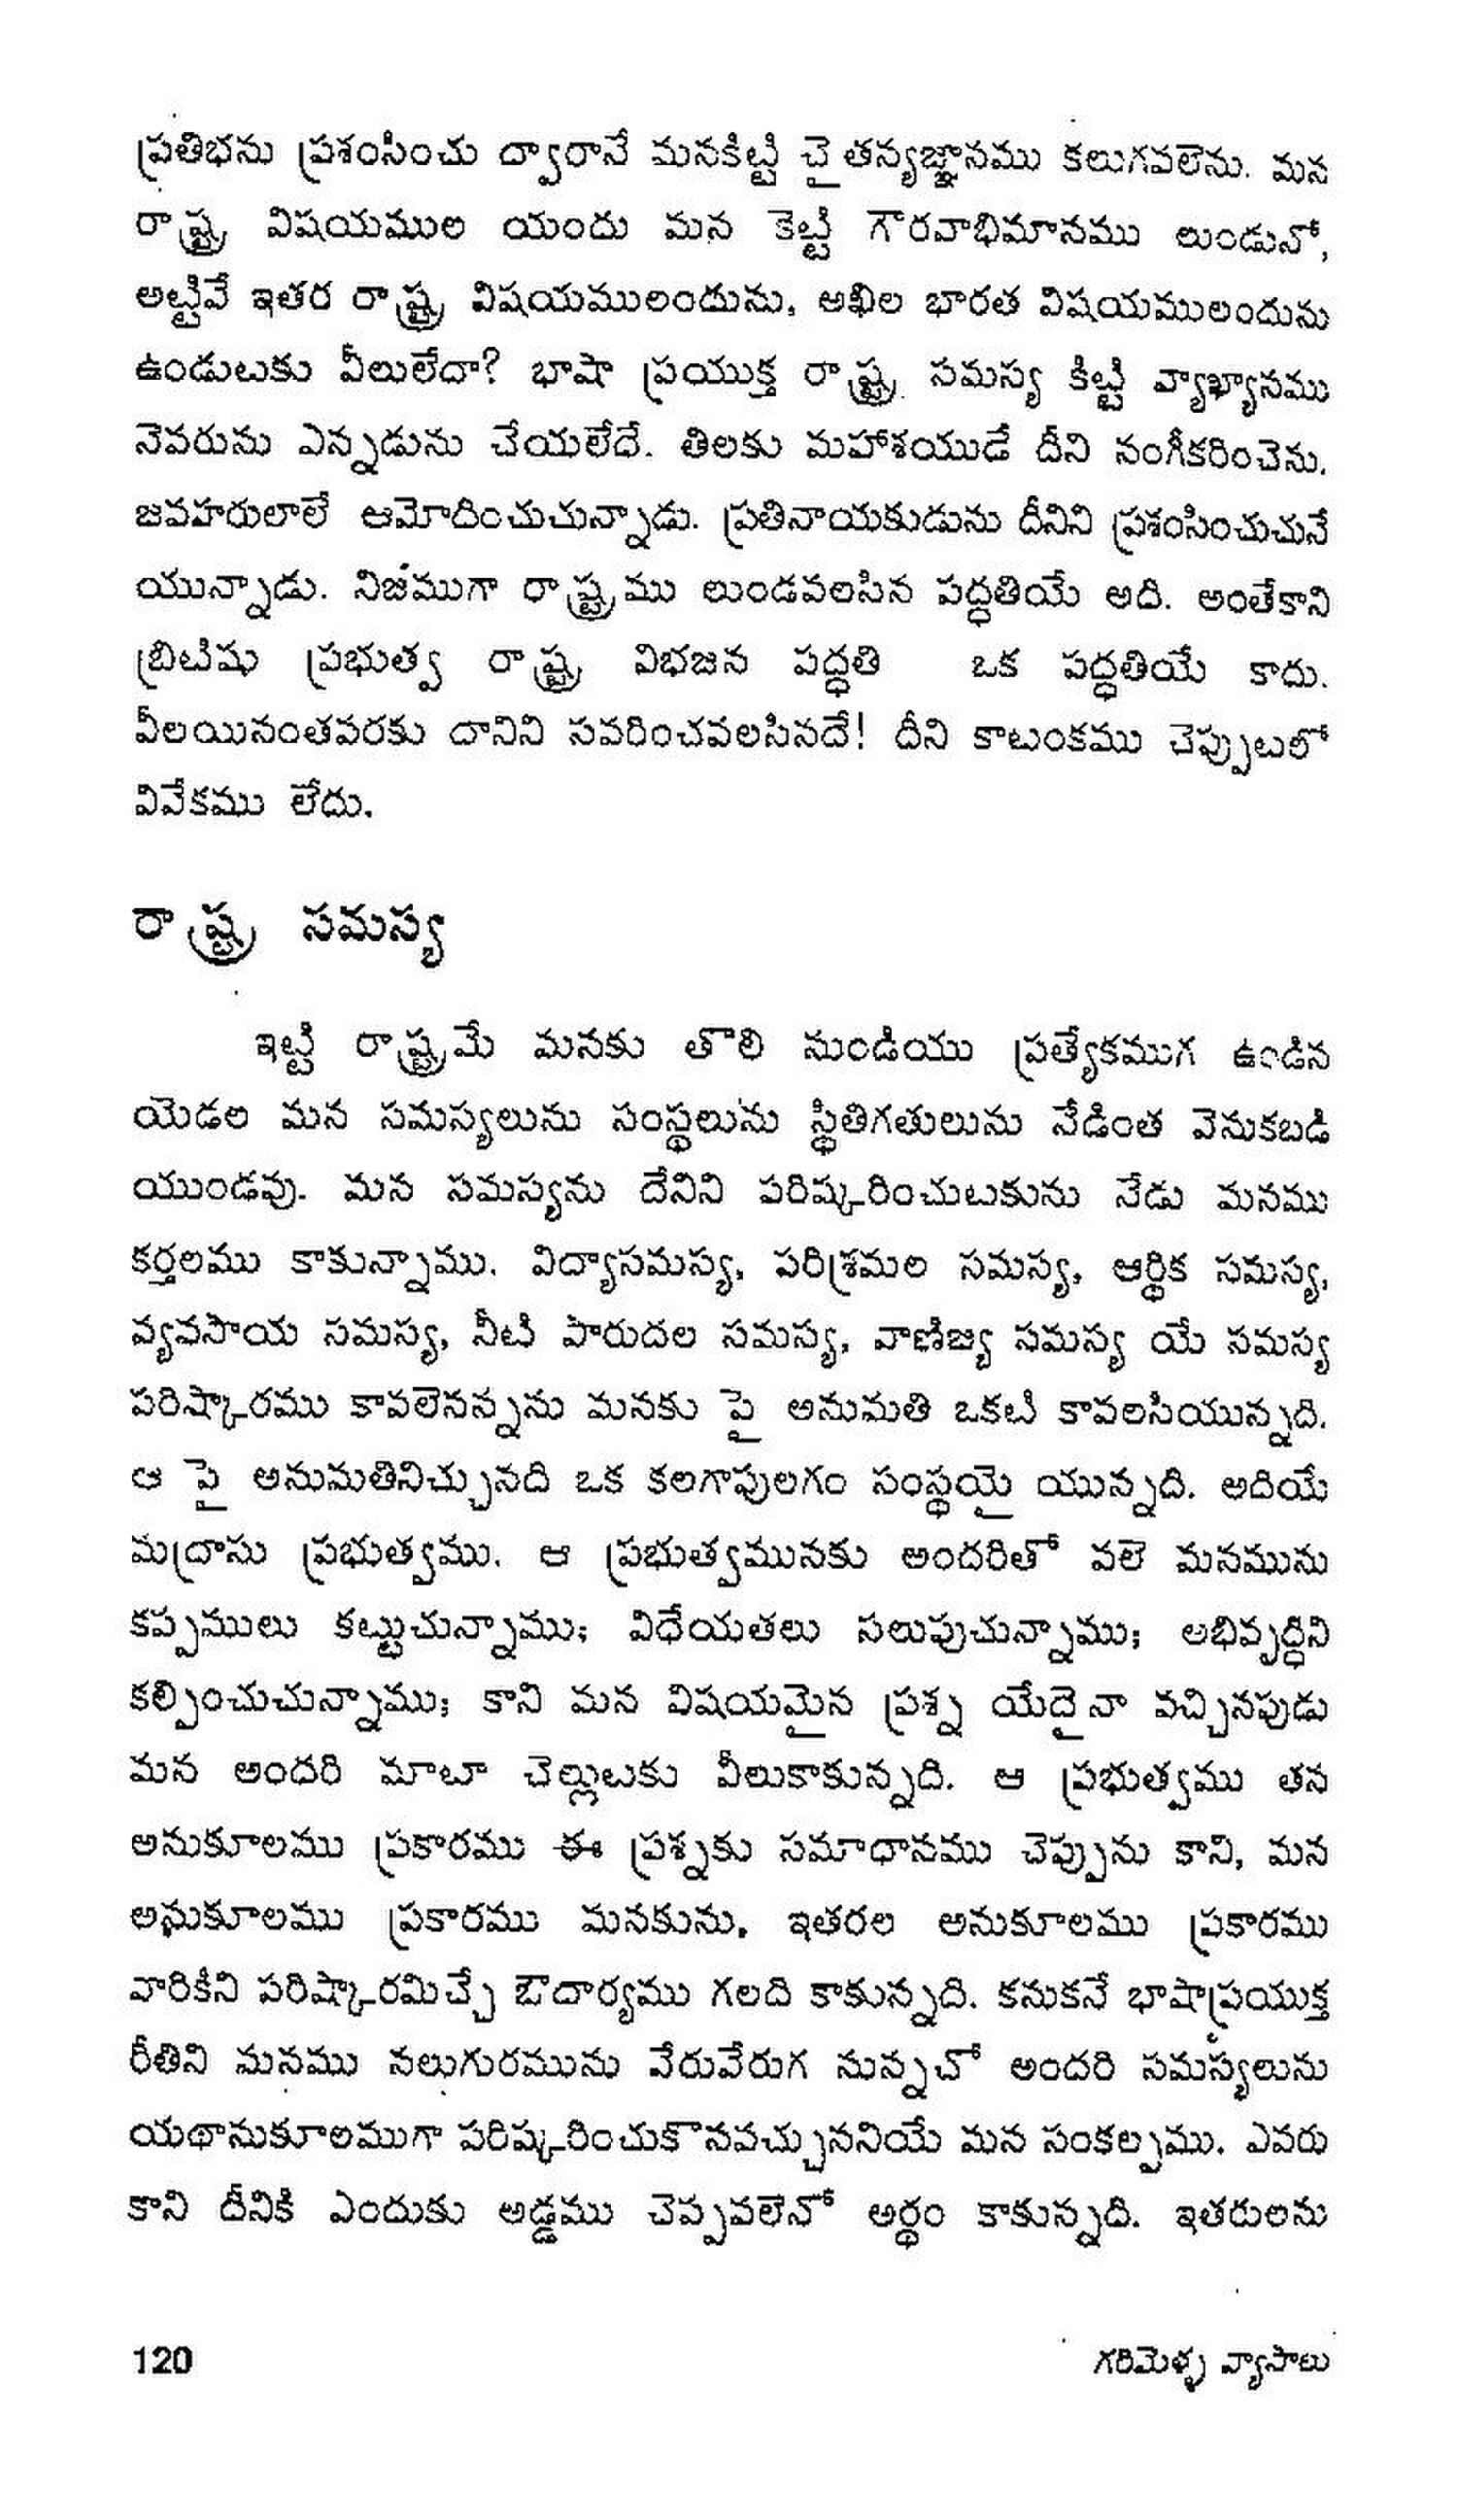ప్రతిభను ప్రశంసించు ద్వారానే మనకిట్టి చైతన్యజ్ఞానము కలుగవలెను. మన రాష్ట్ర విషయముల యందు మన కెట్టి గౌరవాభిమానము లుండునో, అట్టివే ఇతర రాష్ట్ర విషయములందును . అఖిల భారత విషయములందును, ఉండుటకు వీలులేదా? భాషా ప్రయుక్త రాష్ట్ర సమస్య కిట్టి వ్యాఖ్యానము నెవరును ఎన్నడును చేయలేదే. తిలకు మహాశయుడే దీని నంగీకరించెను. జవహరులాలే ఆమోదించుచున్నాడు. ప్రతినాయకుడును దీనిని ప్రశంసించుచునే యున్నాడు. నిజముగా రాష్ట్రము లుండవలసిన పద్ధతియే అది. అంతేకాని బ్రిటిషు ప్రభుత్వ రాష్ట్ర విభజన పద్ధతి ఒక పద్ధతియే కాదు. వీలయినంతవరకు దానిని సవరించవలసినదే! దీని కాటంకము చెప్పుటలో వివేకము లేదు.

రాష్ట్ర సమస్య
 
ఇట్టి రాష్ట్రమే మనకు తొలి నుండియు ప్రత్యేకముగ ఉండిన యెడల మన సమస్యలును సంస్థలును స్థితిగతులును నేడింత వెనుకబడి యుండవు. మన సమస్యను దేనిని పరిష్కరించుటకును నేడు మనము కర్తలము కాకున్నాము. విద్యాసమస్య, పరిశ్రమల సమస్య, ఆర్థిక సమస్య, వ్యవసాయ సమస్య, నీటి పారుదల సమస్య, వాణిజ్య సమస్య యే సమస్య పరిష్కారము కావలెనన్నను మనకు పై అనుమతి ఒకటి కావలసియున్నది. ఆ పై అనుమతినిచ్చునది ఒక కలగాపులగం సంస్థయై యున్నది. అదియే మద్రాసు ప్రభుత్వము. ఆ ప్రభుత్వమునకు అందరితో వలె మనమును కప్పములు కట్టుచున్నాము, విధేయతలు సలుపుచున్నము; అభివృద్ధిని కల్పించుచున్నాము, కాని మన విషయమైన ప్రశ్న యేదైనా వచ్చినప్పుడు మన అందరి మాటా చెల్లుటకు వీలుకాకున్నది. ఆ ప్రభుత్వము తన అనుకూలము ప్రకారము ఈ ప్రశ్నకు సమాధానము చెప్పును కాని, మన అనుకూలము ప్రకారము మనకును, ఇతరుల అనుకూలము ప్రకారము వారికిని పరిష్కారమిచ్చే ఔదార్యము గలది కాకున్నది. కనుకనే భాషాప్రయుక్త రీతిని మనము నలుగురమును వేరువేరుగ నున్నచో అందరి సమస్యలును యథానుకూలముగా పరిష్కరించుకొనవచ్చుననియే మన సంకల్పము. ఎవరు కాని దీనికి ఎందుకు అడ్డము చెప్పవలెనో అర్థం కాకున్నది. ఇతరులను